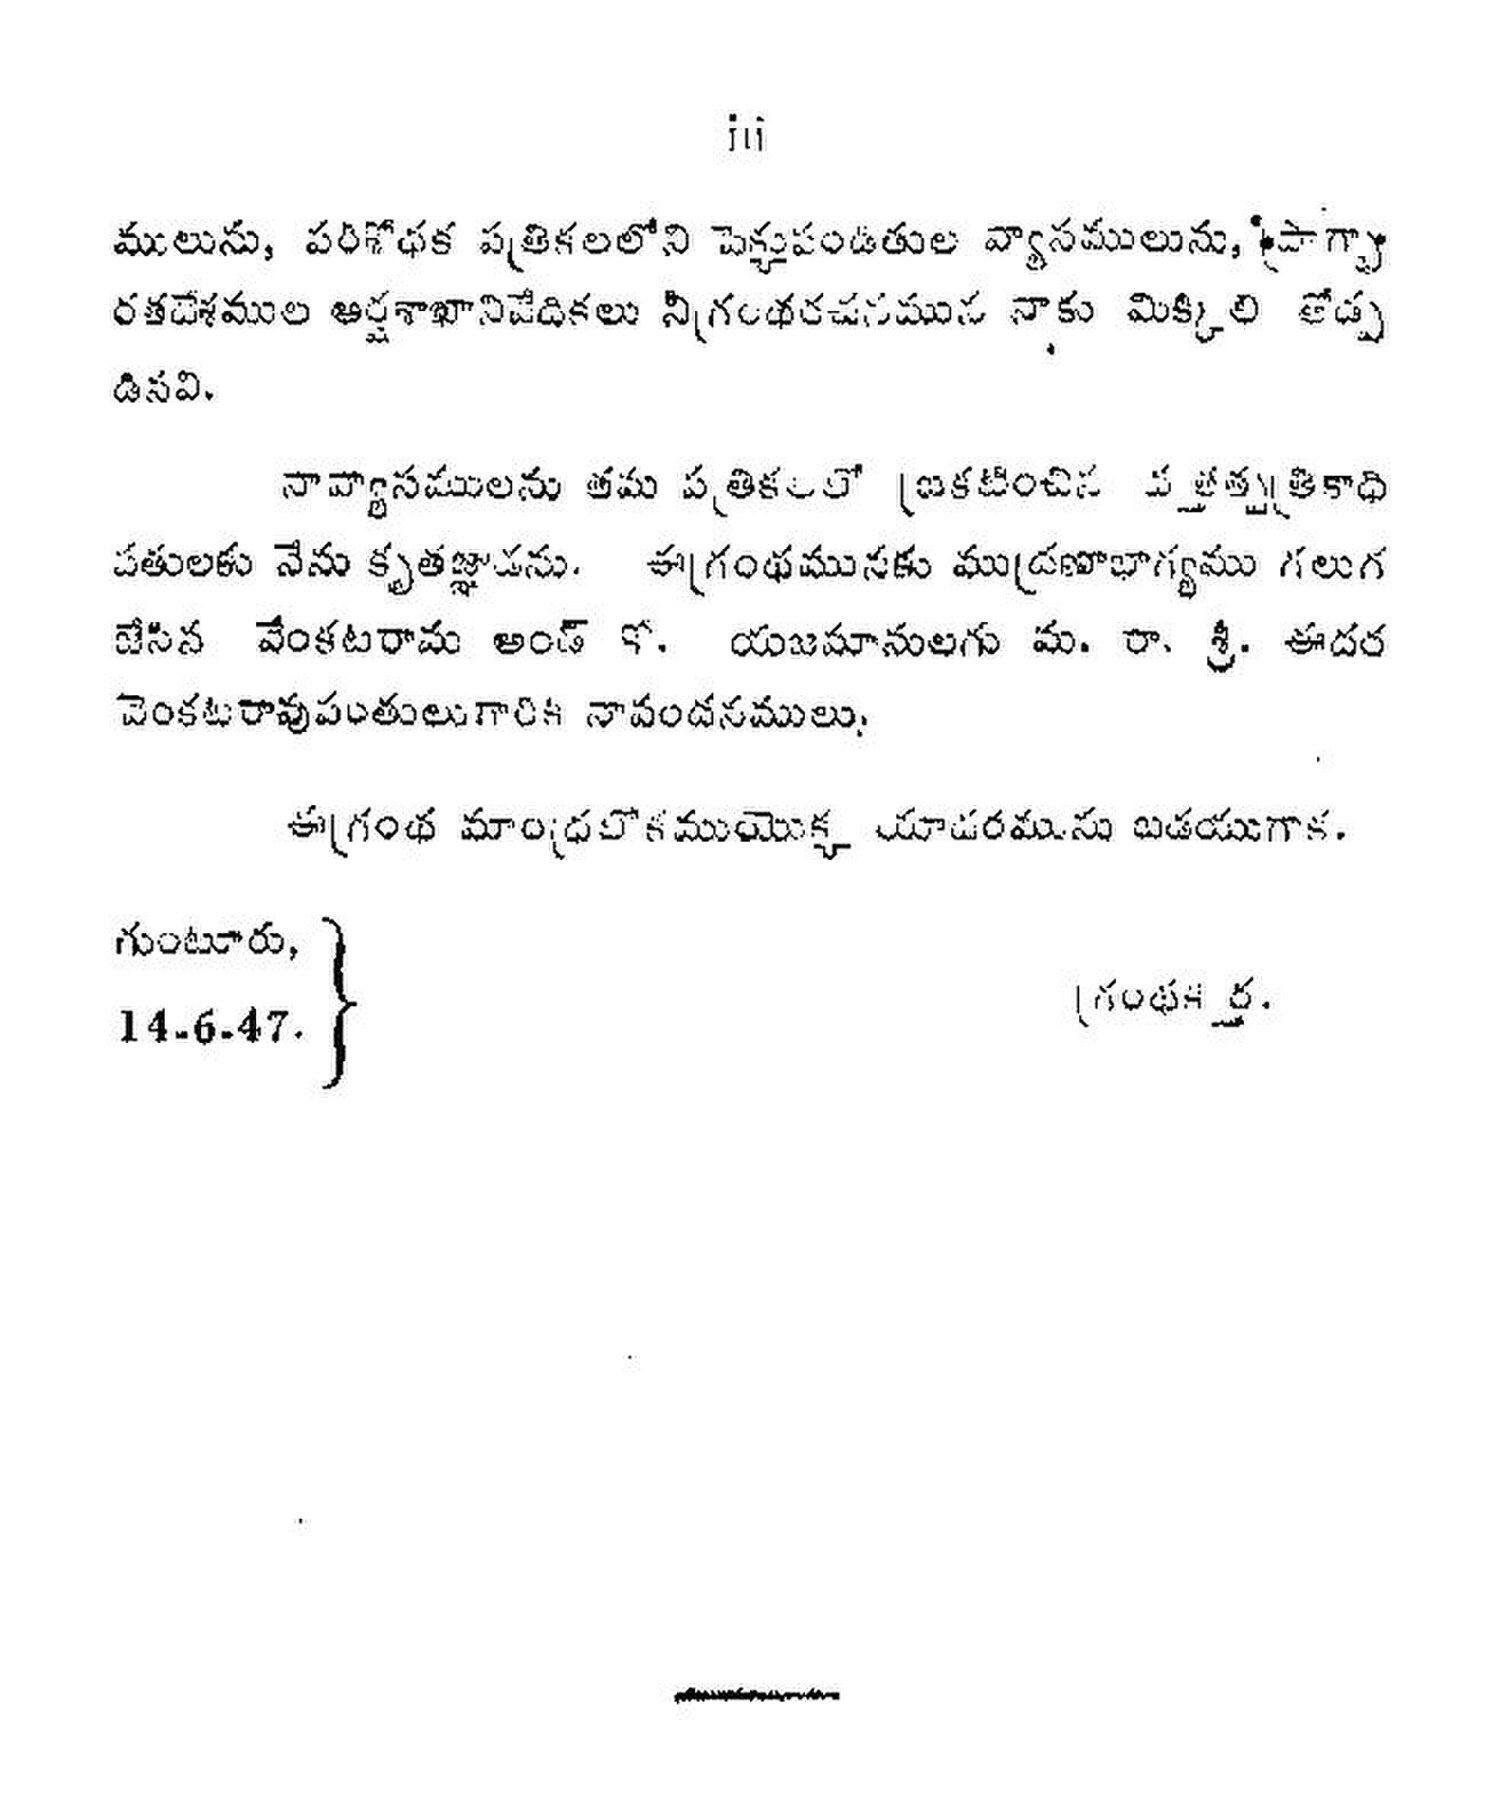ములును, పరిశోధక పత్రికలలోని పెక్కుపండితుల వ్యాసములును ప్రాగ్భారతదేశముల అర్షశాఖానివేదికలు నీగ్రంథరచనమున నాకు మిక్కిలి తోడ్పడినవి.

నావ్యాసములను తమ పత్రికలలో బ్రకటించిన దత్తత్పత్రికాధిపతులకు నేను కృతజ్ఞుడను. ఈగ్రంథమునకు ముద్రణాభాగ్యము గలుగజేసిన వేంకటరామ అండ్ కో. యజమానులగు మ. ర. శ్రీ. ఈదర వెంకటరావుపంతులుగారికి నా వందనములు.

ఈ గ్రంథ మాంధ్రలోకముయొక్క యాదరమును బడయుగాక.

గ్రంథకర్త.

గుంటూరు

14-6-47